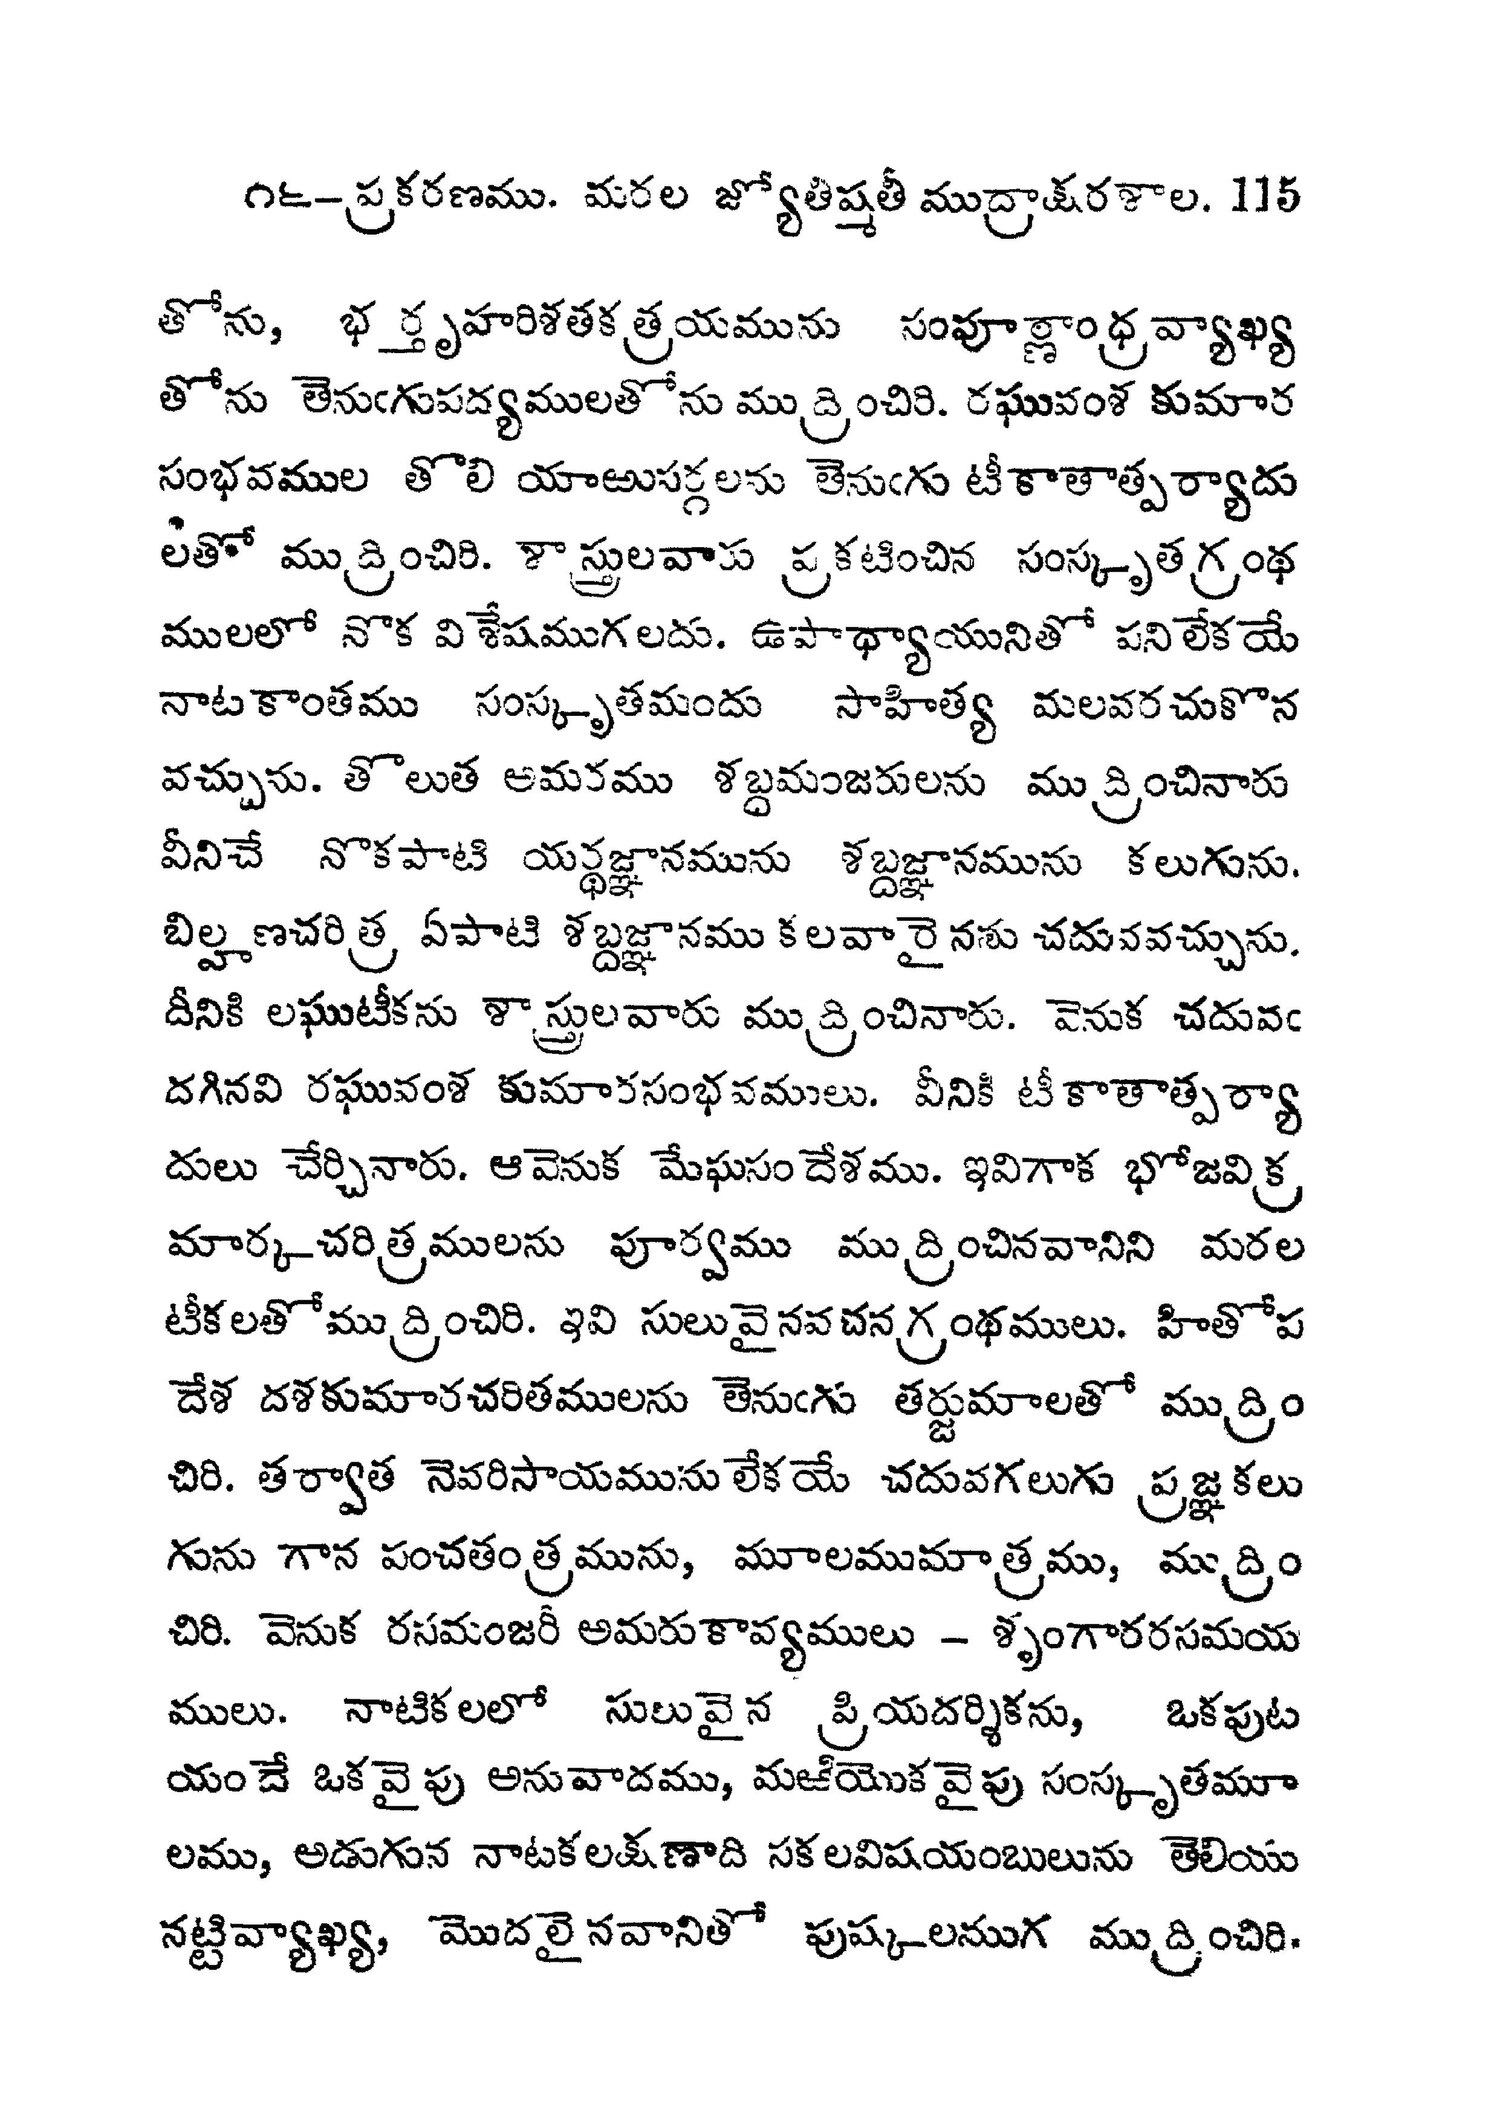తోను, భర్తృహరిశతకత్రయమును సంపూర్ణాంధ్ర వ్యాఖ్యతోను తెనుగుపద్యములతోను ముద్రించిరి. రఘువంశ కుమారసంభవముల తొలి యాఱుసర్గలను తెనుగు టీకాతాత్పర్యాదులతో ముద్రించిరి. శాస్త్రులవారు ప్రకటించిన సంస్కృతగ్రంథములలో నొక విశేషముగలదు. ఉపాథ్యాయునితో పనిలేకయే నాటకాంతము సంస్కృతమందు సాహిత్య మలవరచుకొనవచ్చును. తొలుత అమరము శబ్దమంజరులను ముద్రించినారు. వీనిచే నొకపాటి యర్థజ్ఞానమును శబ్దజ్ఞానమును కలుగును. బిల్హణచరిత్ర ఏపాటి శబ్దజ్ఞానము కలవారైనను చదువవచ్చును. దీనికి లఘుటీకను శాస్త్రులవారు ముద్రించినారు. వెనుక చదువదగినవి రఘువంశ కుమారసంభవములు. వీనికి టీకాతాత్పర్యాదులు చేర్చినారు. ఆవెనుక మేఘసందేశము. ఇవిగాక భోజవిక్రమార్కచరిత్రములను పూర్వము ముద్రించినవానిని మరల టీకలతోముద్రించిరి. ఇవి సులువైనవచనగ్రంథములు. హితోపదేశ దశకుమారచరితములను తెనుగు తర్జుమాలతో ముద్రించిరి. తర్వాత నెవరిసాయమునులేకయే చదువగలుగు ప్రజ్ఞకలుగును గాన పంచతంత్రమును, మూలముమాత్రము, ముద్రించిరి. వెనుక రసమంజరీ అమరుకావ్యములు - శృంగారరసమయములు. నాటికలలో సులువైన పియదర్శికను, ఒకపుటయందే ఒకవైపు అనువాదము, మఱియొకవైపు సంస్కృతమూలము, అడుగున నాటకలక్షణాది సకలవిషయంబులును తెలియునట్టివ్యాఖ్య, మొదలైనవానితో పుష్కలముగ ముద్రించిరి.